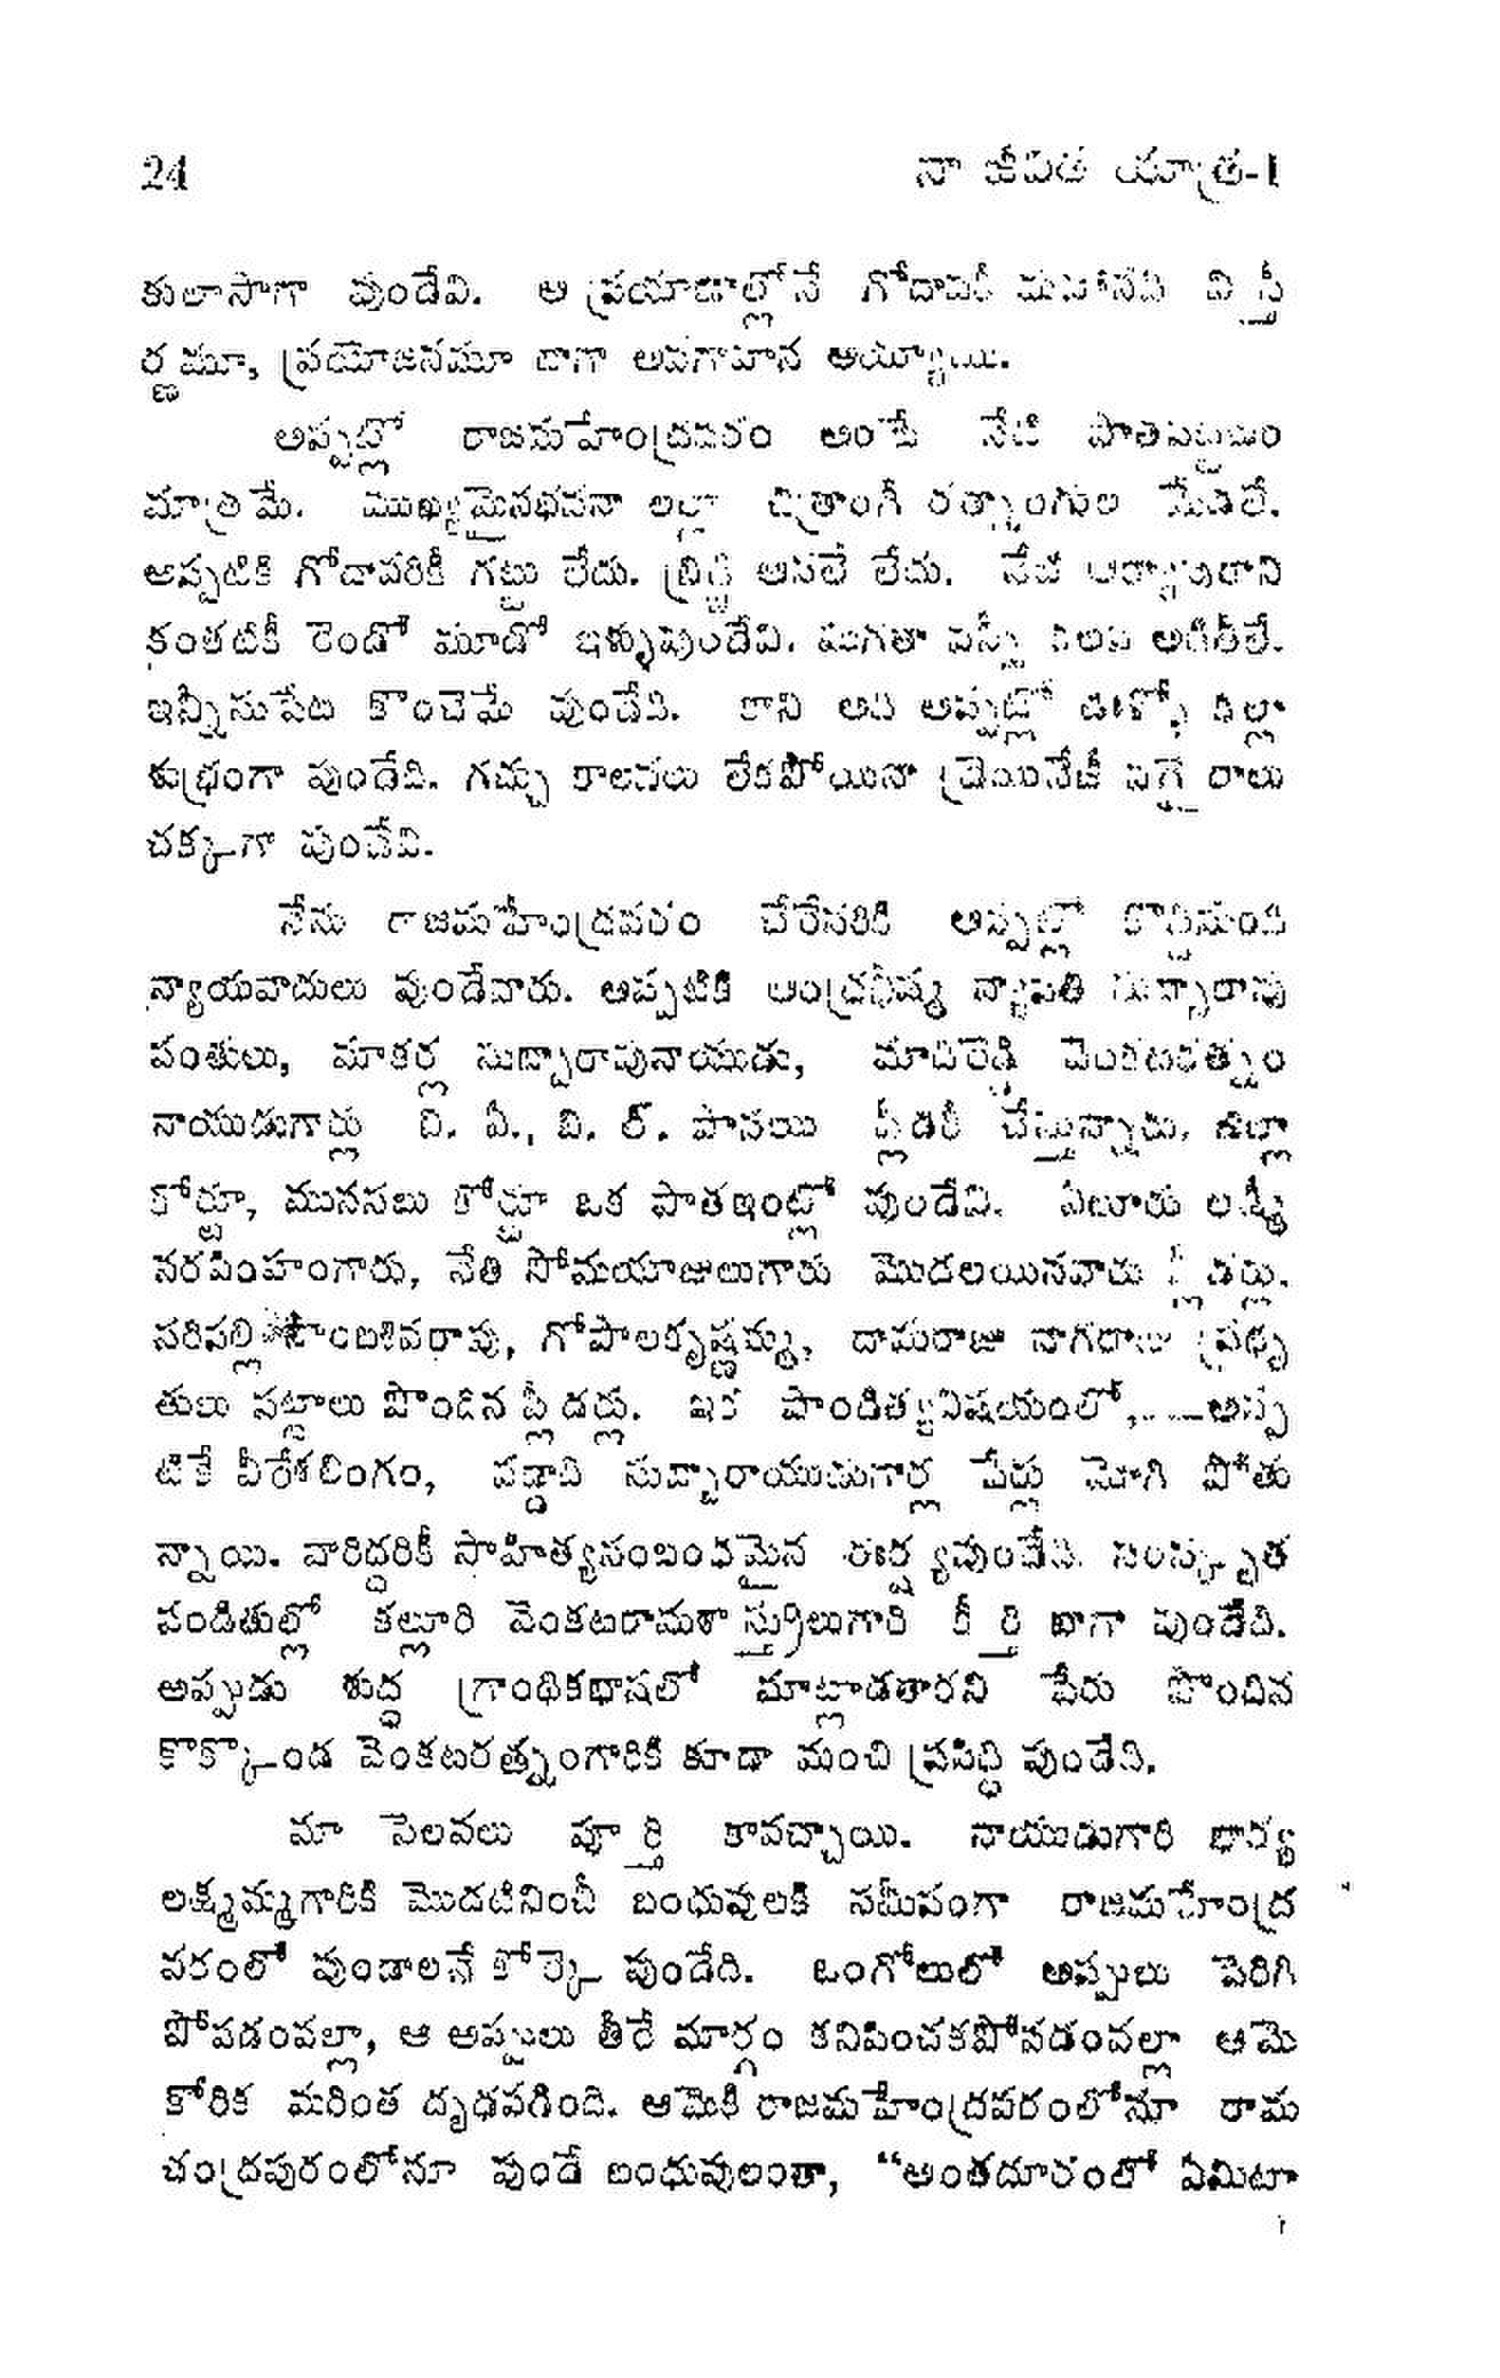ఉద్యోగం? ఈపాటి ఉద్యోగం ఇక్కడ దొరకదా!?" అని అంటూ వుండేవారు. ఆమె బంధువులు ఇమ్మానేని లక్ష్మీకాంతరావు ప్రభృతులు పెద్ద ఉద్యోగాల్లో, గౌరవంగా కాలక్షేపం చేస్తూ వుండేవారు. ఆమె, "ఇంతమంది వుంటూండగా ఒక ఉద్యోగం అయినా దొరకదా?" అని అంటూ వుండేది. నాయుడుగారు "ఇక్కడ మనకి ఉద్యోగం ఎవరిస్తారు? అప్పుడే ఇక్కడికి ఎఫ్.ఏ.లూ, బి.ఏ.లూ తయారై వున్నారు. వీళ్ళ మధ్య మనకి ఉద్యోగం దొరుకుతుందా?" అనేవారు. ఇల్లాగ కొంత తర్జనభర్జన జరుగుతూ వుండగా ఏలూరి లక్ష్మీనరసింహంగారు థీయిస్టిక్ హైస్కూలు అనే కొత్త స్కూలు స్థాపించడానికి నిశ్చయించారు. లక్ష్మమ్మగారి బంధువులంతా ఆయనతో చెప్పి నాయుడుగారికి లెఖ్కల మాస్టరీ ఒకటి ఏర్పాటు చేయించారు. జీతం మామూలు 30 రూపాయలే.

స్కూలు తీశారు. నాయుడుగారు రాజమహేంద్రవరంలో మాస్టరీలో చేరారు. నేను ఇంటికి పోవడానికి సెలవు తీసుకున్నాను. అప్పటికి కాలవలు వదిలారు. రాజమహేంద్రవరం రేవులో పడవ ఎక్కితే బెజవాడ దాకా ఏలూరు కాలవమీదా, తరవాత కొత్తపట్టణం దాకా బకింగుహాముకాలవమీదా, ప్రయాణం చెయ్యడానికి బాగా వీలుగా వుండేది. అందుకోసమని నాకున్న నాలుగు గుడ్డలూ మూటగట్టుకుని, నేనొక్కణ్ణి వెళ్ళగలనని నాయుడుగారికి ధైర్యం చెప్పి పడవలరేవుకి బయలుదేరాను. తీరా రేవులోకి వెళ్ళేసరికి పడవలు దాటిపోయాయి. అందుచేత విధిలేక మళ్ళీ ఇంటికి వచ్చాను.

నేను తిరిగి వచ్చేసరికి నాయుడుగారు మధ్యాహ్నం విరామంలో స్కూలునించి వచ్చి నేను వెళ్ళిపోయానని చెప్పేసరికి దిగాలుపడి కళ్ళమ్మట నీళ్ళు పెట్టుగుంటున్నారు. పక్కనున్న ఆయన బంధువుడు ఒకాయన, "బ్రాహ్మణ పిల్లవాడు, ఏదో మాటవరసకి నీతో వచ్చాడు కాని, ఎల్లకాలం నీతో వుంటాడటయ్యా వాళ్ళ వాళ్ళ నందరినీ విడిచి పెట్టి?" అని ఆయన్ని మందలించారు. కాని, నా యందుండే అవ్యాజ ప్రేమవల్ల నాయుడుగారు దు:ఖం ఆపుకోలేకపోయారు.

ఇలాంటి స్థితిలో పడవ దాటిపోయి నేను మళ్ళీ ఆయన కళ్ళ